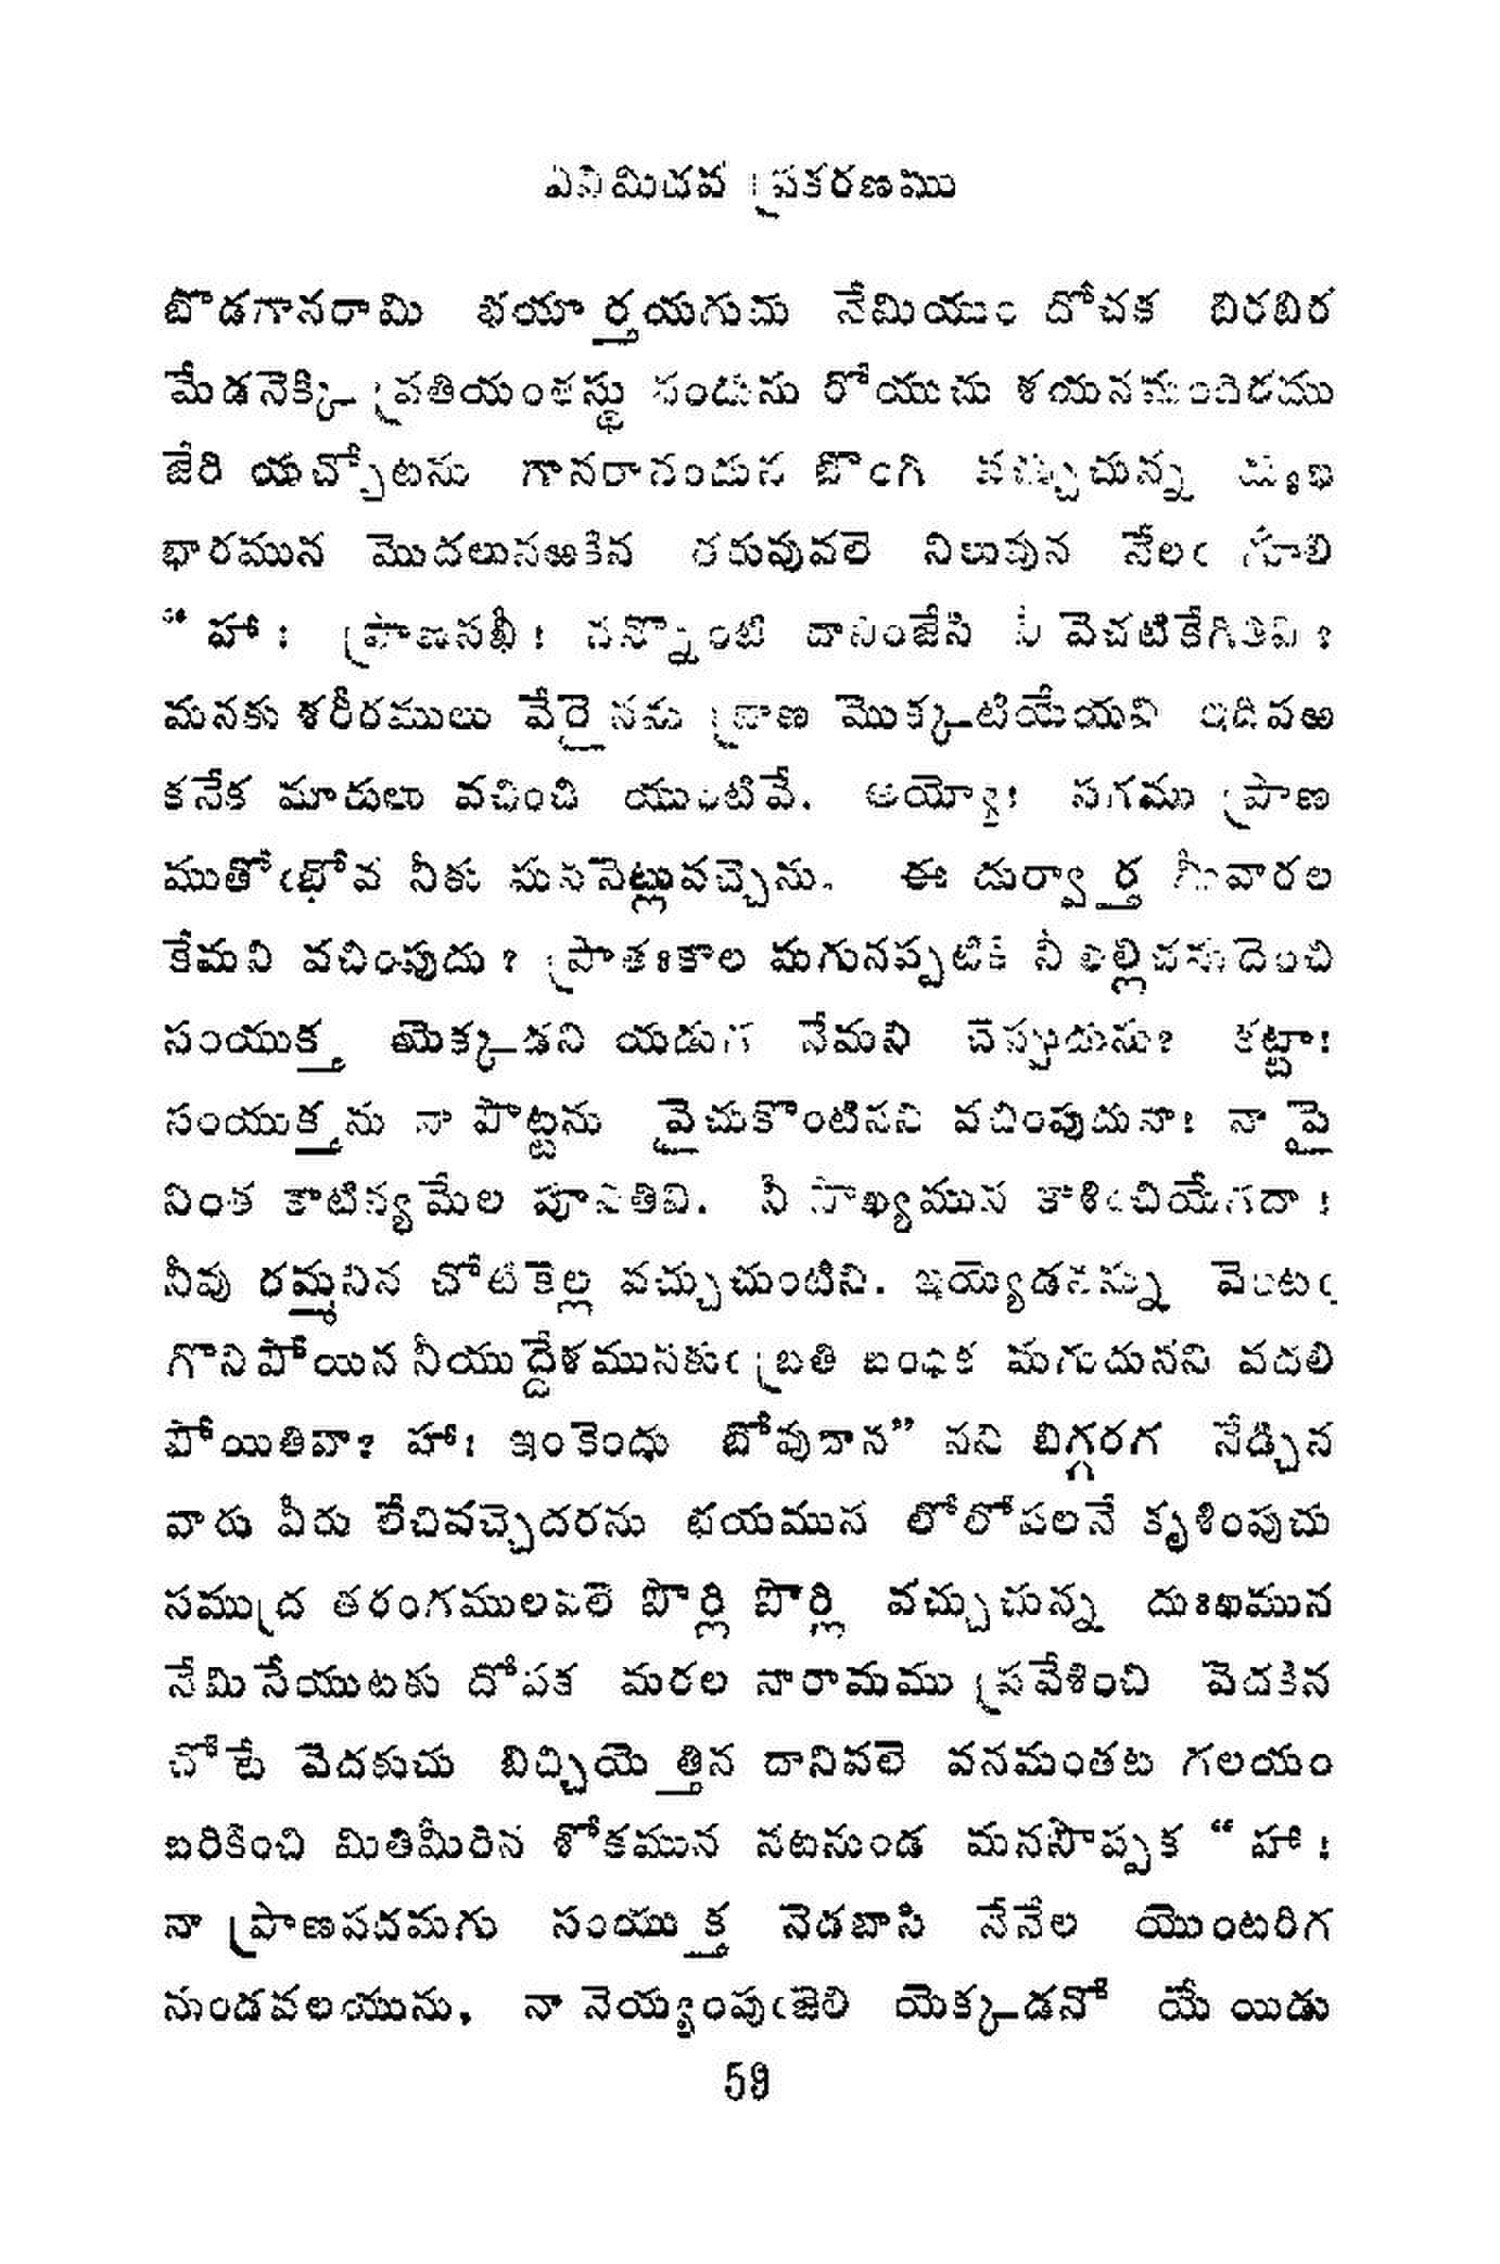బొడగానరాని భయార్తయగుచు నేమియుఁ దోచక బిరబిర మేడనెక్కి ప్రతియంతస్థు నందును రోయుచు శయనమందిరము జేరి యచ్చోటను గానరానందున బొంగి వుచున్న ధుఃఖభారమున మొదలునఱకిన తరువువలె నిలువున నేలఁ గూలి... "హా : ప్రాణసఖీ ! నన్నొంటి దానింజేసి నీ వెచటికేగితివి? మనకు శరీరములు వేరైనను బ్రాణ మొక్కటియేయని ఇదివఱ కనేక మారులు వచించి యుంటివే. ఆయో?: సగము ప్రాణముతో బ్రోవ నీకు మససెట్లువచ్చెను. ఈ దుర్వార్త మీవారల కేమని వచింపుదు ? ప్రాతఃకాల మగునప్పటికి నీ తల్లిచనుదెంచి సంయుక్త యెక్కడని యడుగ నేమని చెప్పుదును? కట్టా! సంయుక్తను నా పొట్టను వైచుకొంటినని వచింపుదునా ! నా పై నింత కాటిన్యమేల పూనితివి. నీ సౌఖ్యమున కాశించియేగదా ! నీవు రమ్మనిన చోటికెల్ల వచ్చుచుంటిని. ఇయ్యెడనన్ను వెంటఁగొనిపోయిన నీయుద్దేశమునకుఁ బ్రతి బంధిక మగుదునని వదలి పోయితివా? హా! ఇంకెందు బోవుదాన” నని బిగ్గరగ నేడ్చిన వారు వీరు లేచివచ్చెదరను భయముస లోలోపలనే కృశింపుచు సముద్ర తరంగములపలె పొర్లి పొర్లి వచ్చుచున్న దుఃఖమున నేమిసేయుటకు దోపక మరల నారామము ప్రవేశించి వెదకిన చోటే వెదకుచు బిచ్చియెత్తిన దానివలె వనమంతట గలయం బరికించి మితిమీరిన శోకమున నటనుండ మనసొప్పక " హా ! నా ప్రాణపదమగు సంయుక్త నెడబాసి నేనేల యొంటరిగ నుండవలయును, నా నెయ్యంపుఁజెలి యెక్కడనో యే యిడు